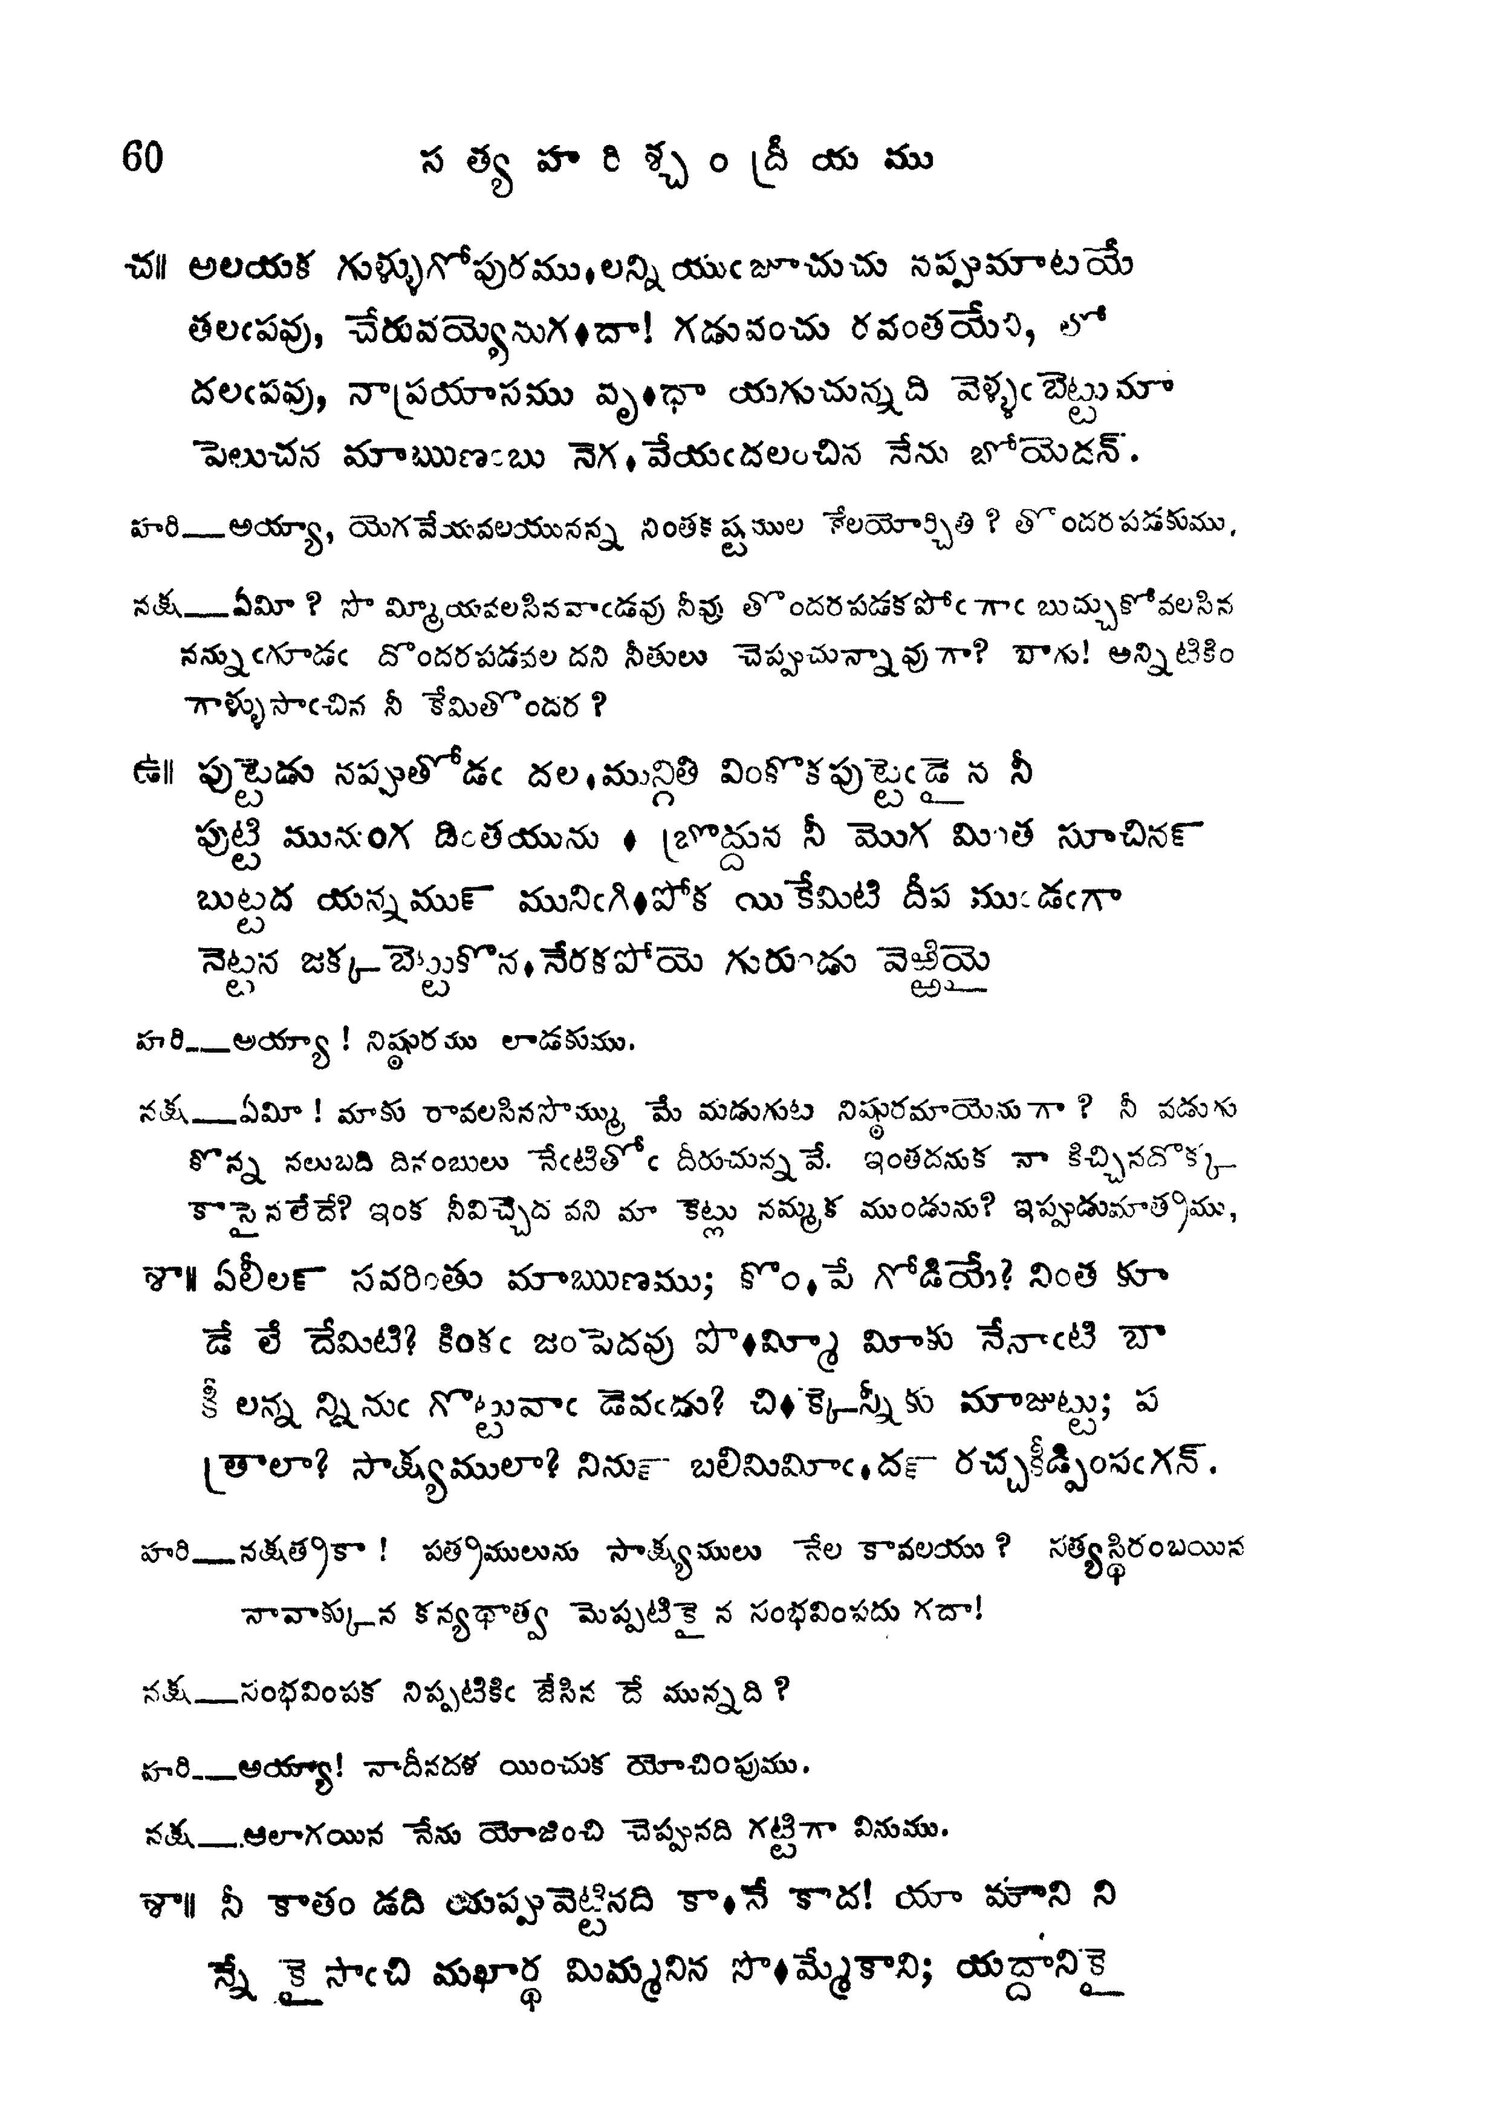చ. 	అలయక గుళ్ళుగోపురము లన్నియు జూచుచు నప్పుమాటయే
తలపవు చేరువయ్యెనుగదా గడువంచు రవంతయేని లోఁ
దలపవు నా ప్రయాసము వృథాయగుచున్నది వెళ్ళబెట్టుమా
పెలుచన మా ఋణంబు నెగ వేయదలంచిన నేను బోయెదన్‌.

హరి - 	అయ్యా! ఎగవేయవలయునన్న నింత కష్టమున కేల యోర్చితి? తొందర పడకుము.

నక్ష - 	ఏమీ! సొమ్మీయఁ దలఁచిన వాఁడవు నీవు తొందర పడకపోగా బుచ్చుకో వలసిన నన్ను గూడఁ తొందర పడవలదని నీతులు చెప్పుచున్నావుగా? బాగు! అన్నిటికిఁ గాళ్ళు సాచిన నీకేమి తొందర?

ఉ. 	పుట్టెడు నప్పుతోడ దల మున్గితి వింకొక పుట్టెడైన నీ
పుట్టి మునుంగ దింతయును బ్రొద్దున నీ మొగమింత సూచినన్‌
బుట్టదు యన్నమున్‌ మునిగి పోక యిఁకేమిటి? దీపముండగా
నెట్టన జక్కఁ బెట్టుకొన నేరకపోయె గురుండు వెఱ్ఱియై.

హరి - 	అయ్యా! నిష్ఠురము లాడకుము.

నక్ష - ఏమీ! మాకు రావలసిన సొమ్ము మేమడుగుట నిష్ఠురమాయెనుగా? నీ వడుగుకొన్న నలువది దినంబులు నేఁటితోఁ దీరుచున్నవే. ఇంత దనుక నాకిచ్చిన దొక్కకాసైన లేదే? ఇంక నీ విచ్చెదవని మా కెట్లు నమ్మకముండును? ఇప్పుడు మాత్రము

శా. 	ఏలీలన్‌ సవరింతు మా ఋణము కొంపే గోడియే నింత కూ
డే లేదేమిటి కింకఁ జంపెదవు పొమ్మీ మీకు నేనాటి బా
కీ లన్న నిన్ను గొట్టువాడెవడు? చిక్కెన్నీకు మాజుట్టు ప
త్రాలా? సాక్ష్యములా? నినున్‌ బలిమి మీదన్‌ రచ్చకీడ్పింపగన్‌.

హరి - 	నక్షత్రకా! పత్రములు సాక్షములు నేల కావలయును? నిత్యస్థిరంబయిన నా వాక్కున కన్యథాత్వ మెప్పటికైన సంభవింపదు గదా!

నక్ష - 	సంభవింపక యిప్పటికి జేసిన దేమున్నది?

హరి - 	అయ్యా! నా దీనదశ యించుక యోచించుము.

నక్ష - అలాగయిన నేను యోచించి చెప్పునది గట్టిగా వినుము.

శా. 	నీ కాతం డది యప్పు వెట్టినది కానే కాద యామౌని ని
న్నే కైసాచి మదర్థ మిమ్మనిన సొమ్మేకాని, యద్దానికై